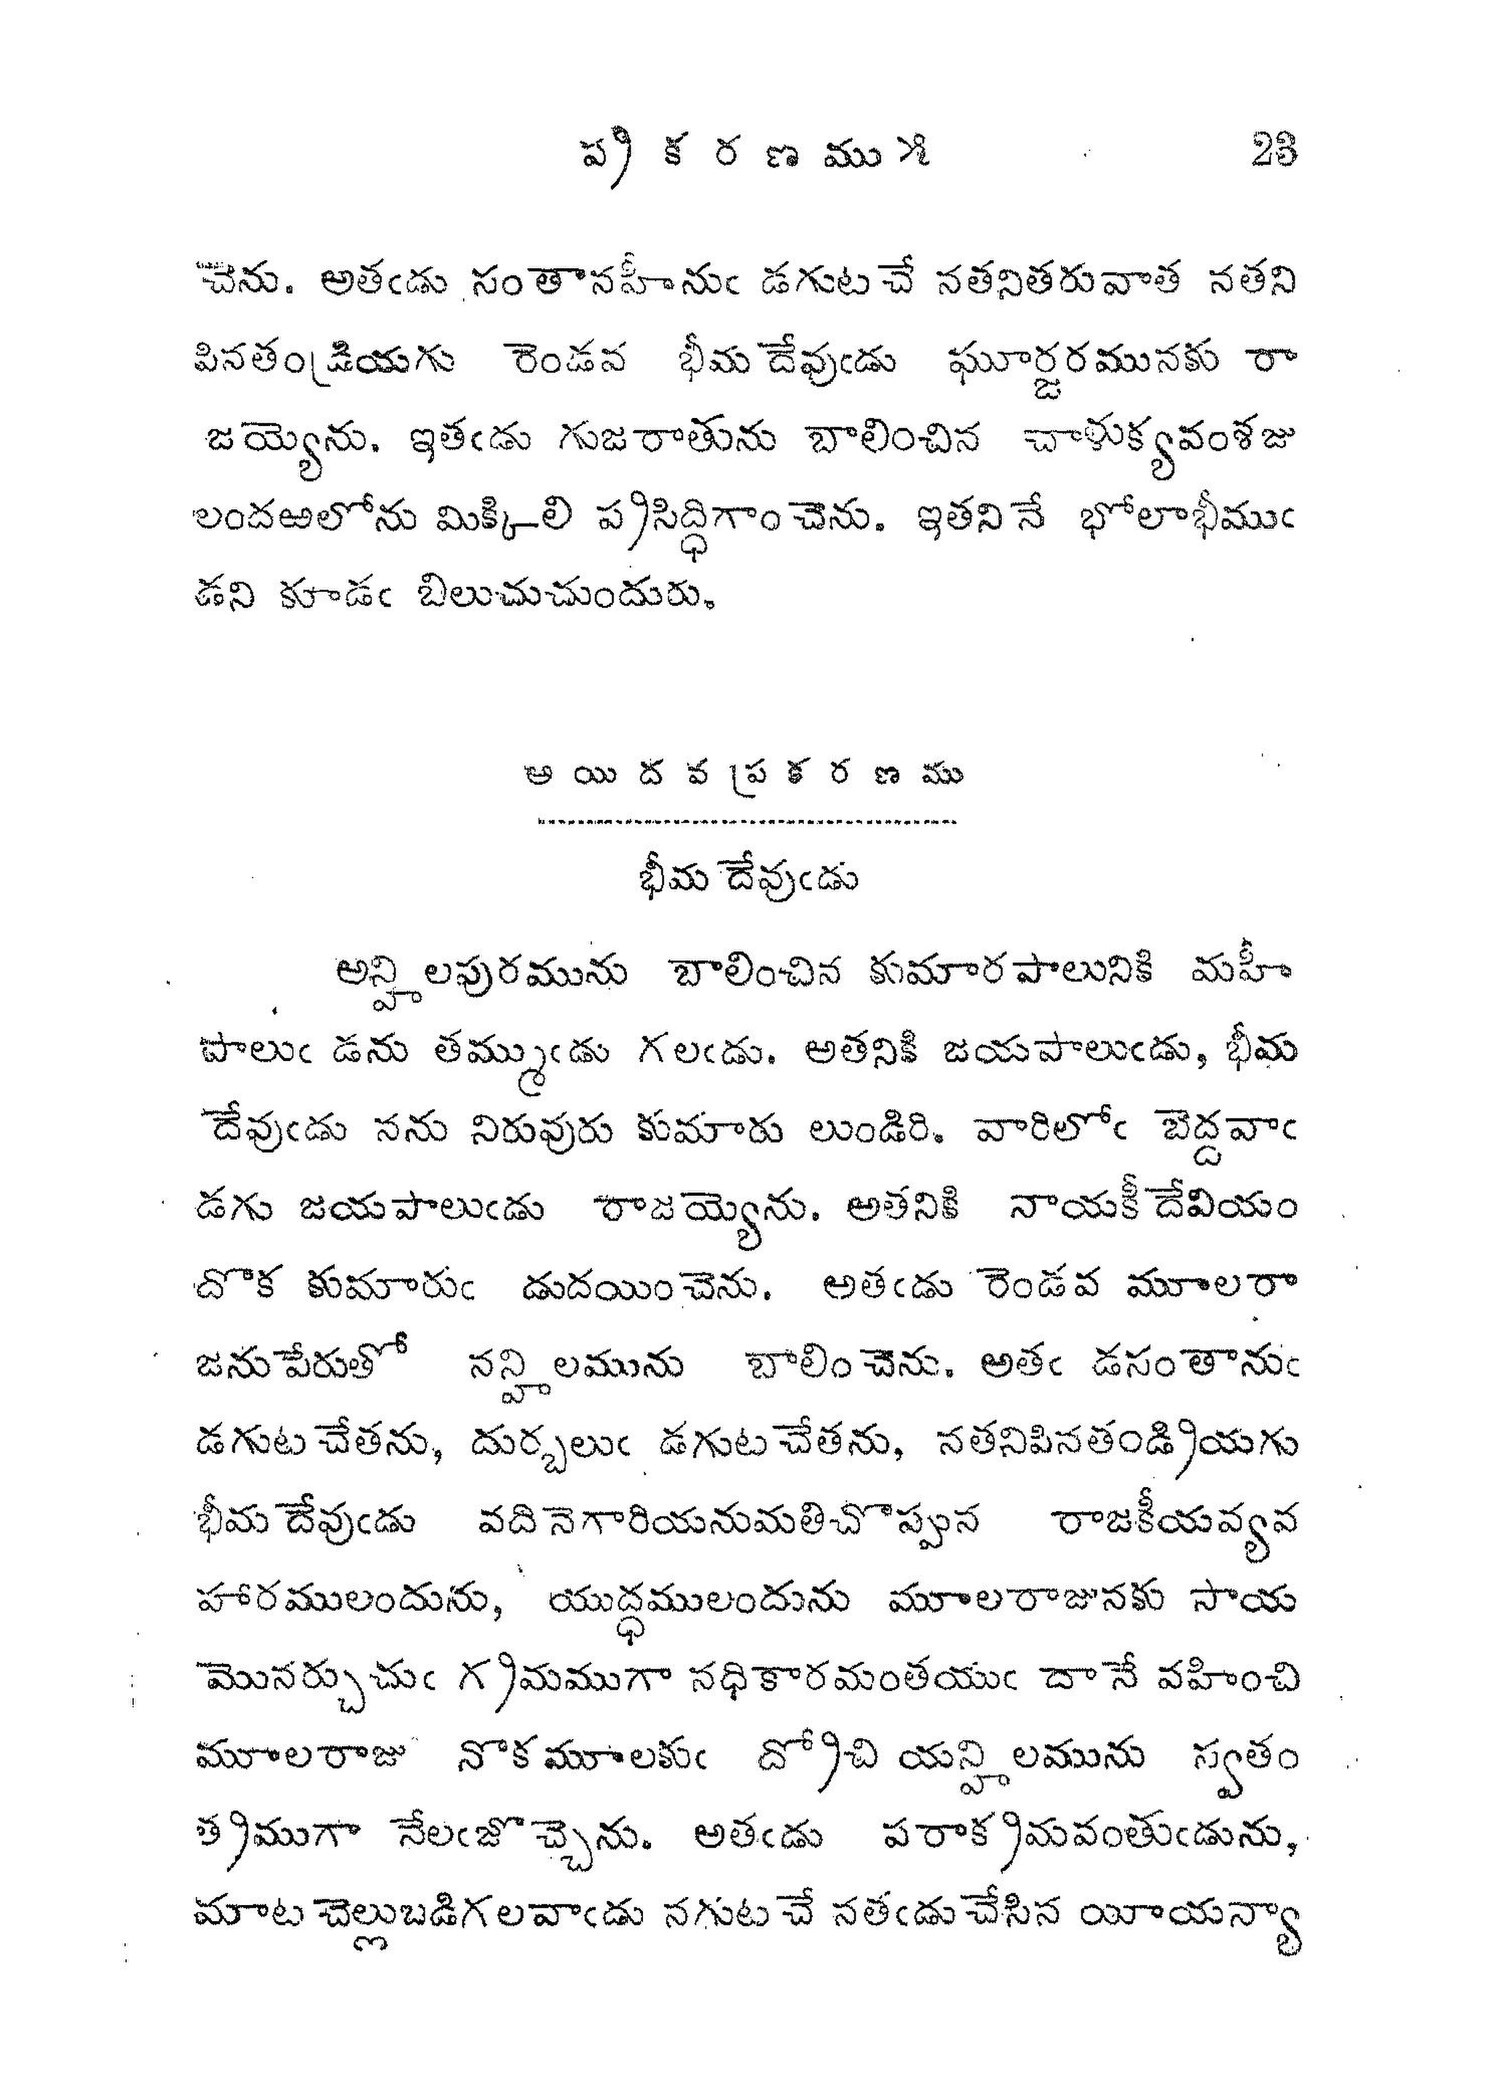చెను. అతఁడు సంతానహీనుఁ డగుట చే నతని తరువాత నతని పినతండ్రియగు రెండన భీమ దేవుఁడు ఘూర్జరమునకు రా జయ్యెను. ఇతఁడు గుజరాతును బాలించిన చాళుక్యవంశజు అందజుఱు లోను మిక్కిలి ప్రసిద్ధిగాం చెను. ఇతనినే భోలా భీముఁ డని కూడఁ బిలుచుచుందురు,

 

అన్దిలపురమును బాలించిన కుమార పాలునికి మహీ పొలుఁ డను తమ్ముఁడు గలఁడు. అతనికి జయపాలుఁడు, భీమ దేవుఁడు నను నిరువురు కుమారు లుండిరి. వారిలోఁ బెద్దవాడగు జయపాలుఁడు రాజయ్యెను. అతనికి నాయకీ దేవియం దొక కుమారుఁ డుదయించెను. అతఁడు రెండవ మూలరా జను పేరుతో నంహిలమును బాలిం చెను. అతఁ డసం తాను డగుట చేతను, దుర్బలుఁ డగుట చేతను, నతని పినతండ్రి యగు భీమ దేవుఁడు వది నె గారియనుమతి చొప్పున రాజకీయ వ్యవ హారములందును, యుద్ధములందును మూలరాజునకు సాయ మొనర్చుచుఁ గ్రమముగా నధి కారమంతయుఁ దానే వహించి మూల రాజు నొక మూలకుఁ దోచి యన్షిలమును స్వతం ఈముగా నేలఁజొచ్చెను. అతఁడు పరాక్రమవంతుఁడును, మాట చెల్లు బడిగలవాఁడు నగుట చే నతఁడు చేసిన యీయన్యా